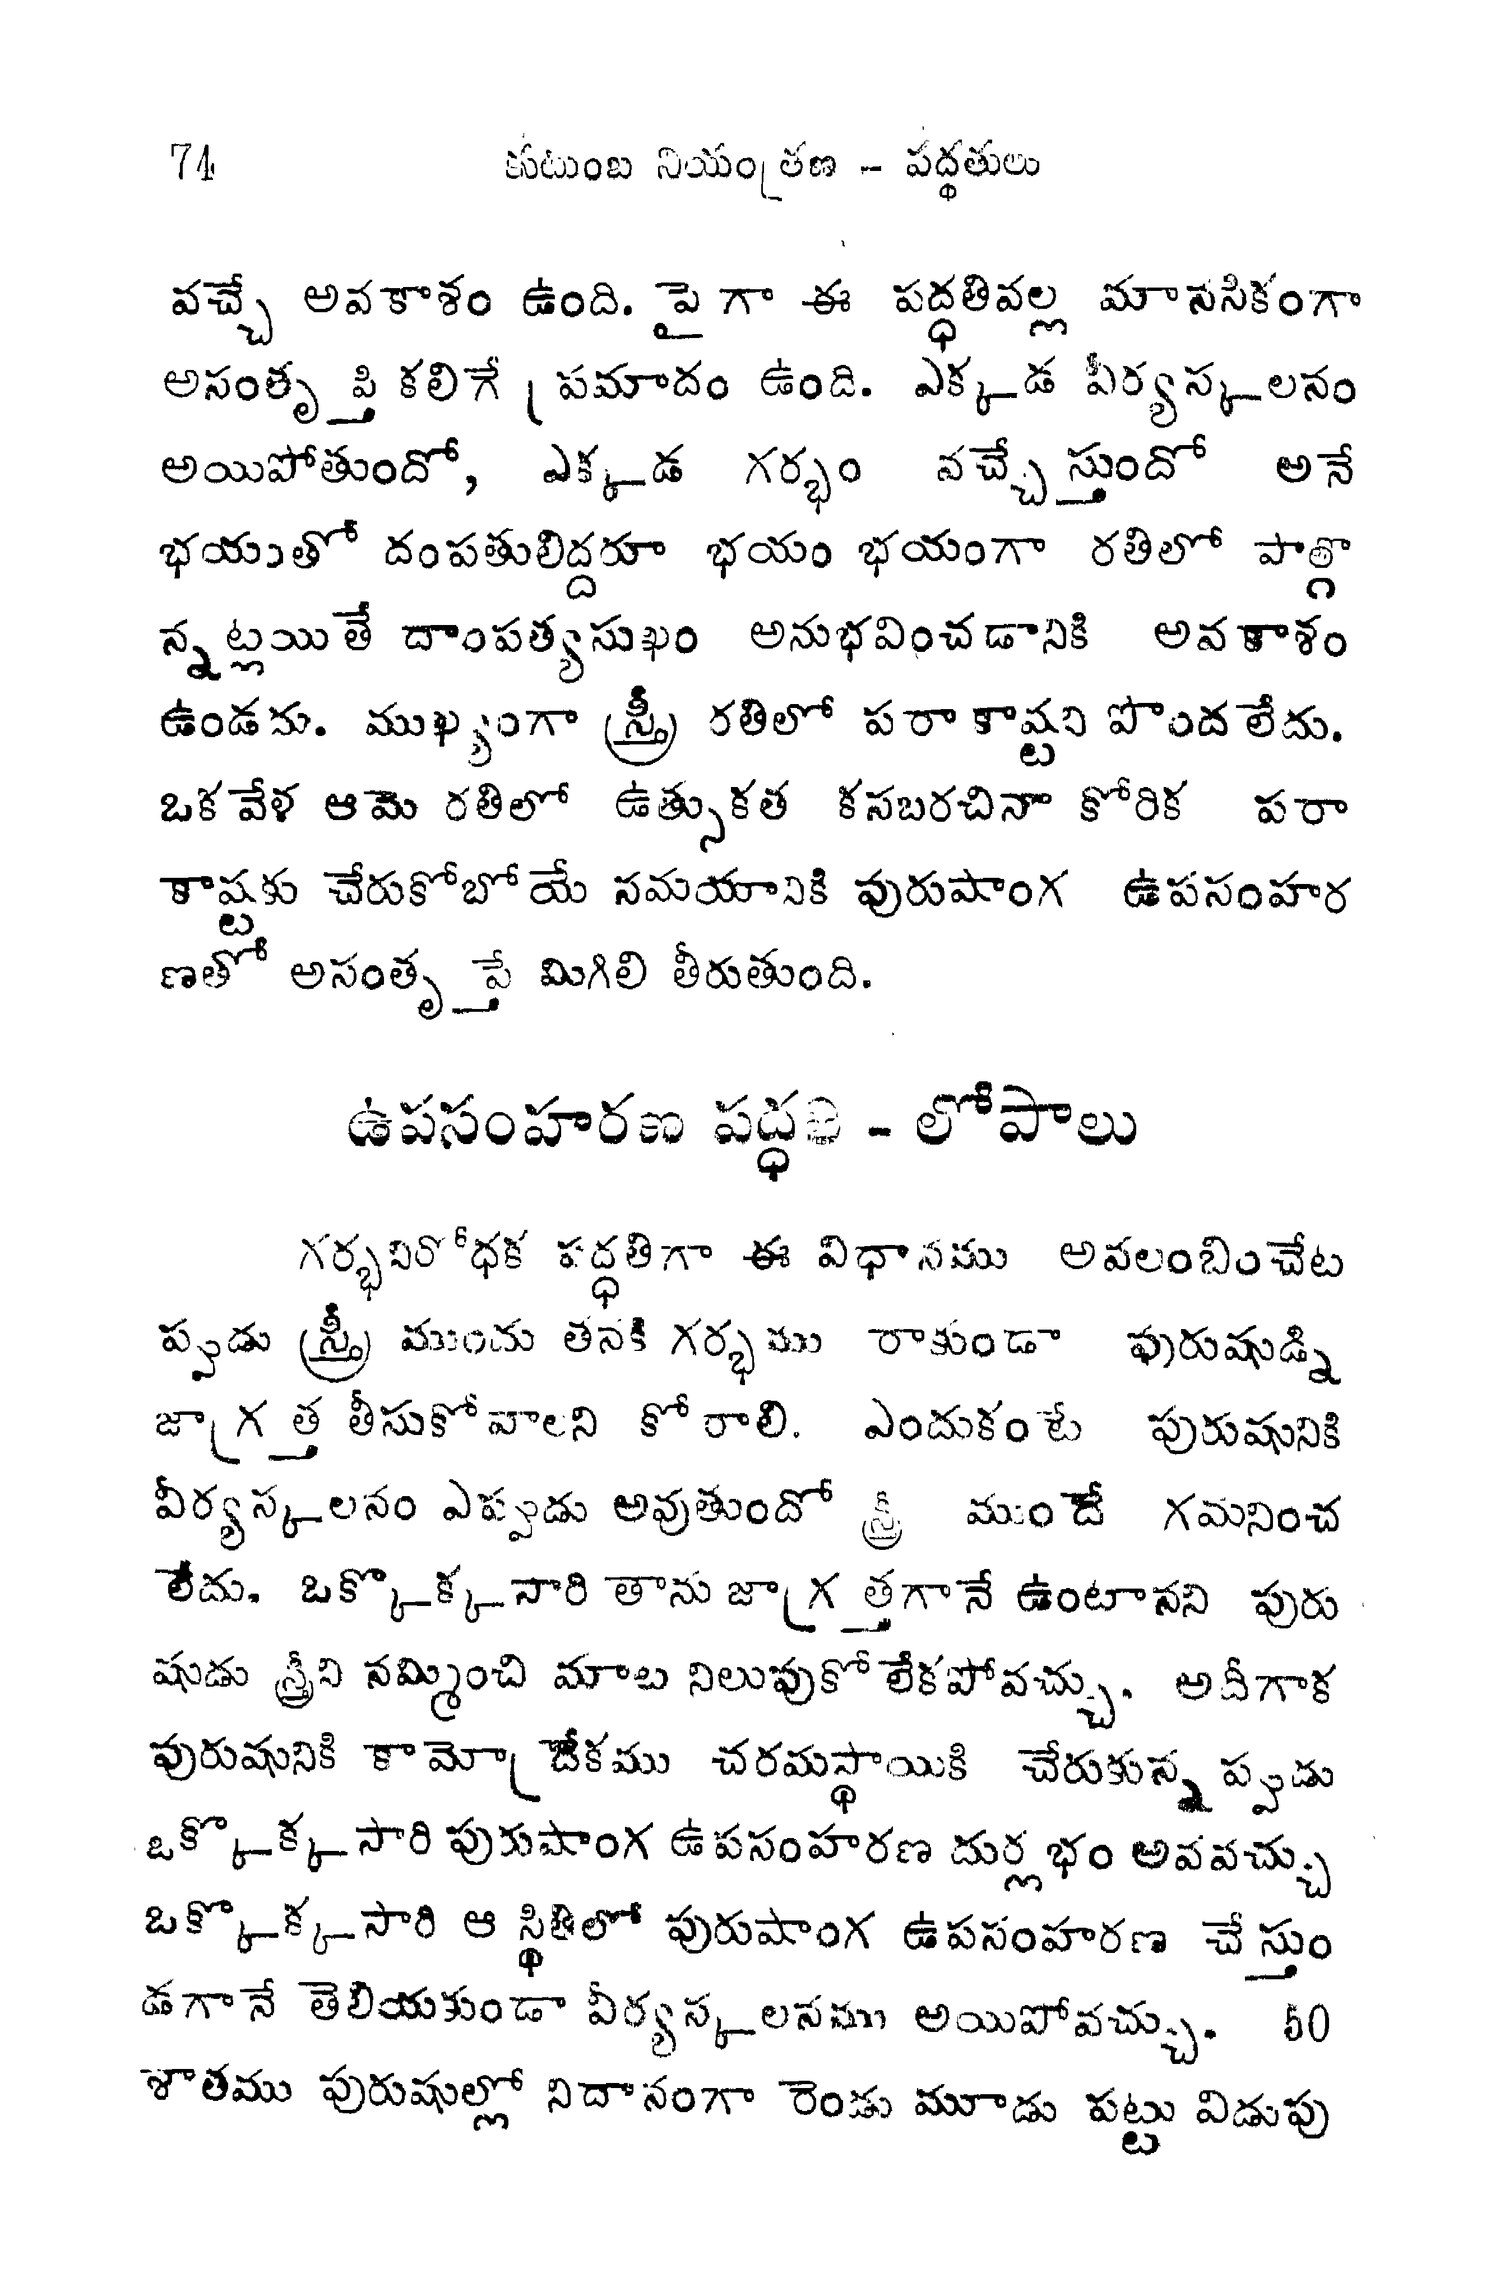వచ్చే అవకాశం ఉంది. పైగా ఈ పద్ధతివల్ల మానసికంగా అసంతృప్తి కలిగే ప్రమాదం ఉంది. ఎక్కుడ వీర్యస్కలనం అయిపోతుందో, ఎక్కడ గర్భం వచ్చేస్తుందో అనే భయంతో దంపతులిద్దరూ భయం భయంగా రతిలోపాల్గొన్నట్లయితే దాంపత్యసుఖం అనుభవించడానికి అవకాశం ఉండదు. ముఖ్యంగా స్త్రీ రతిలో పరాకాష్టని పొందలేదు. ఒకవేళ ఆమె రతిలోఉత్సుకత కనబరిచినా కోరిక పరాకాష్టకు చేరుకోబోయే సమయానికి పురుషాంగ ఉపసంహరణతో అసంతృప్తే మిగిలి తీరుతుంది.

గర్భనిరొధక పద్దతిగా ఈ విధానము అవలంబించేటప్పుడు స్త్రీ ముందు తనకి గర్భము రాకుండా పురుషుడ్ని జాగ్రత్త తీసుకోవాలని కోరాలి. ఎందుకంటే పురుషునికి వీర్యస్కలనం ఎప్పుడు అవుతుందో స్త్రీ మొందే గమనించ లెదు. ఒక్కొక్కసారి తాను జాగ్రత్తగానే ఉంటానని పురుషుడు స్త్రీని నమ్మించి మాట నిలుపుకోలేకపొవచ్చు. అదీగాక పురుషునికి కామోద్రేకము చరమస్థాయికి చేరుకున్నప్పుడు ఒక్కొక్కసారి పురుషాంగ ఉపసంహరణ దుర్లభం అవవచ్చు. ఒక్కొక్కసారి ఆస్థితిలో పురుషాంగ ఉపసంహరణ చేస్తుండగానే తెలియకుండా వీర్యస్కలనము అయిపోవచ్చు. 50 శాతము పురుషుల్లో నిదానంగా రెండు మూడు పట్టు విడుపు